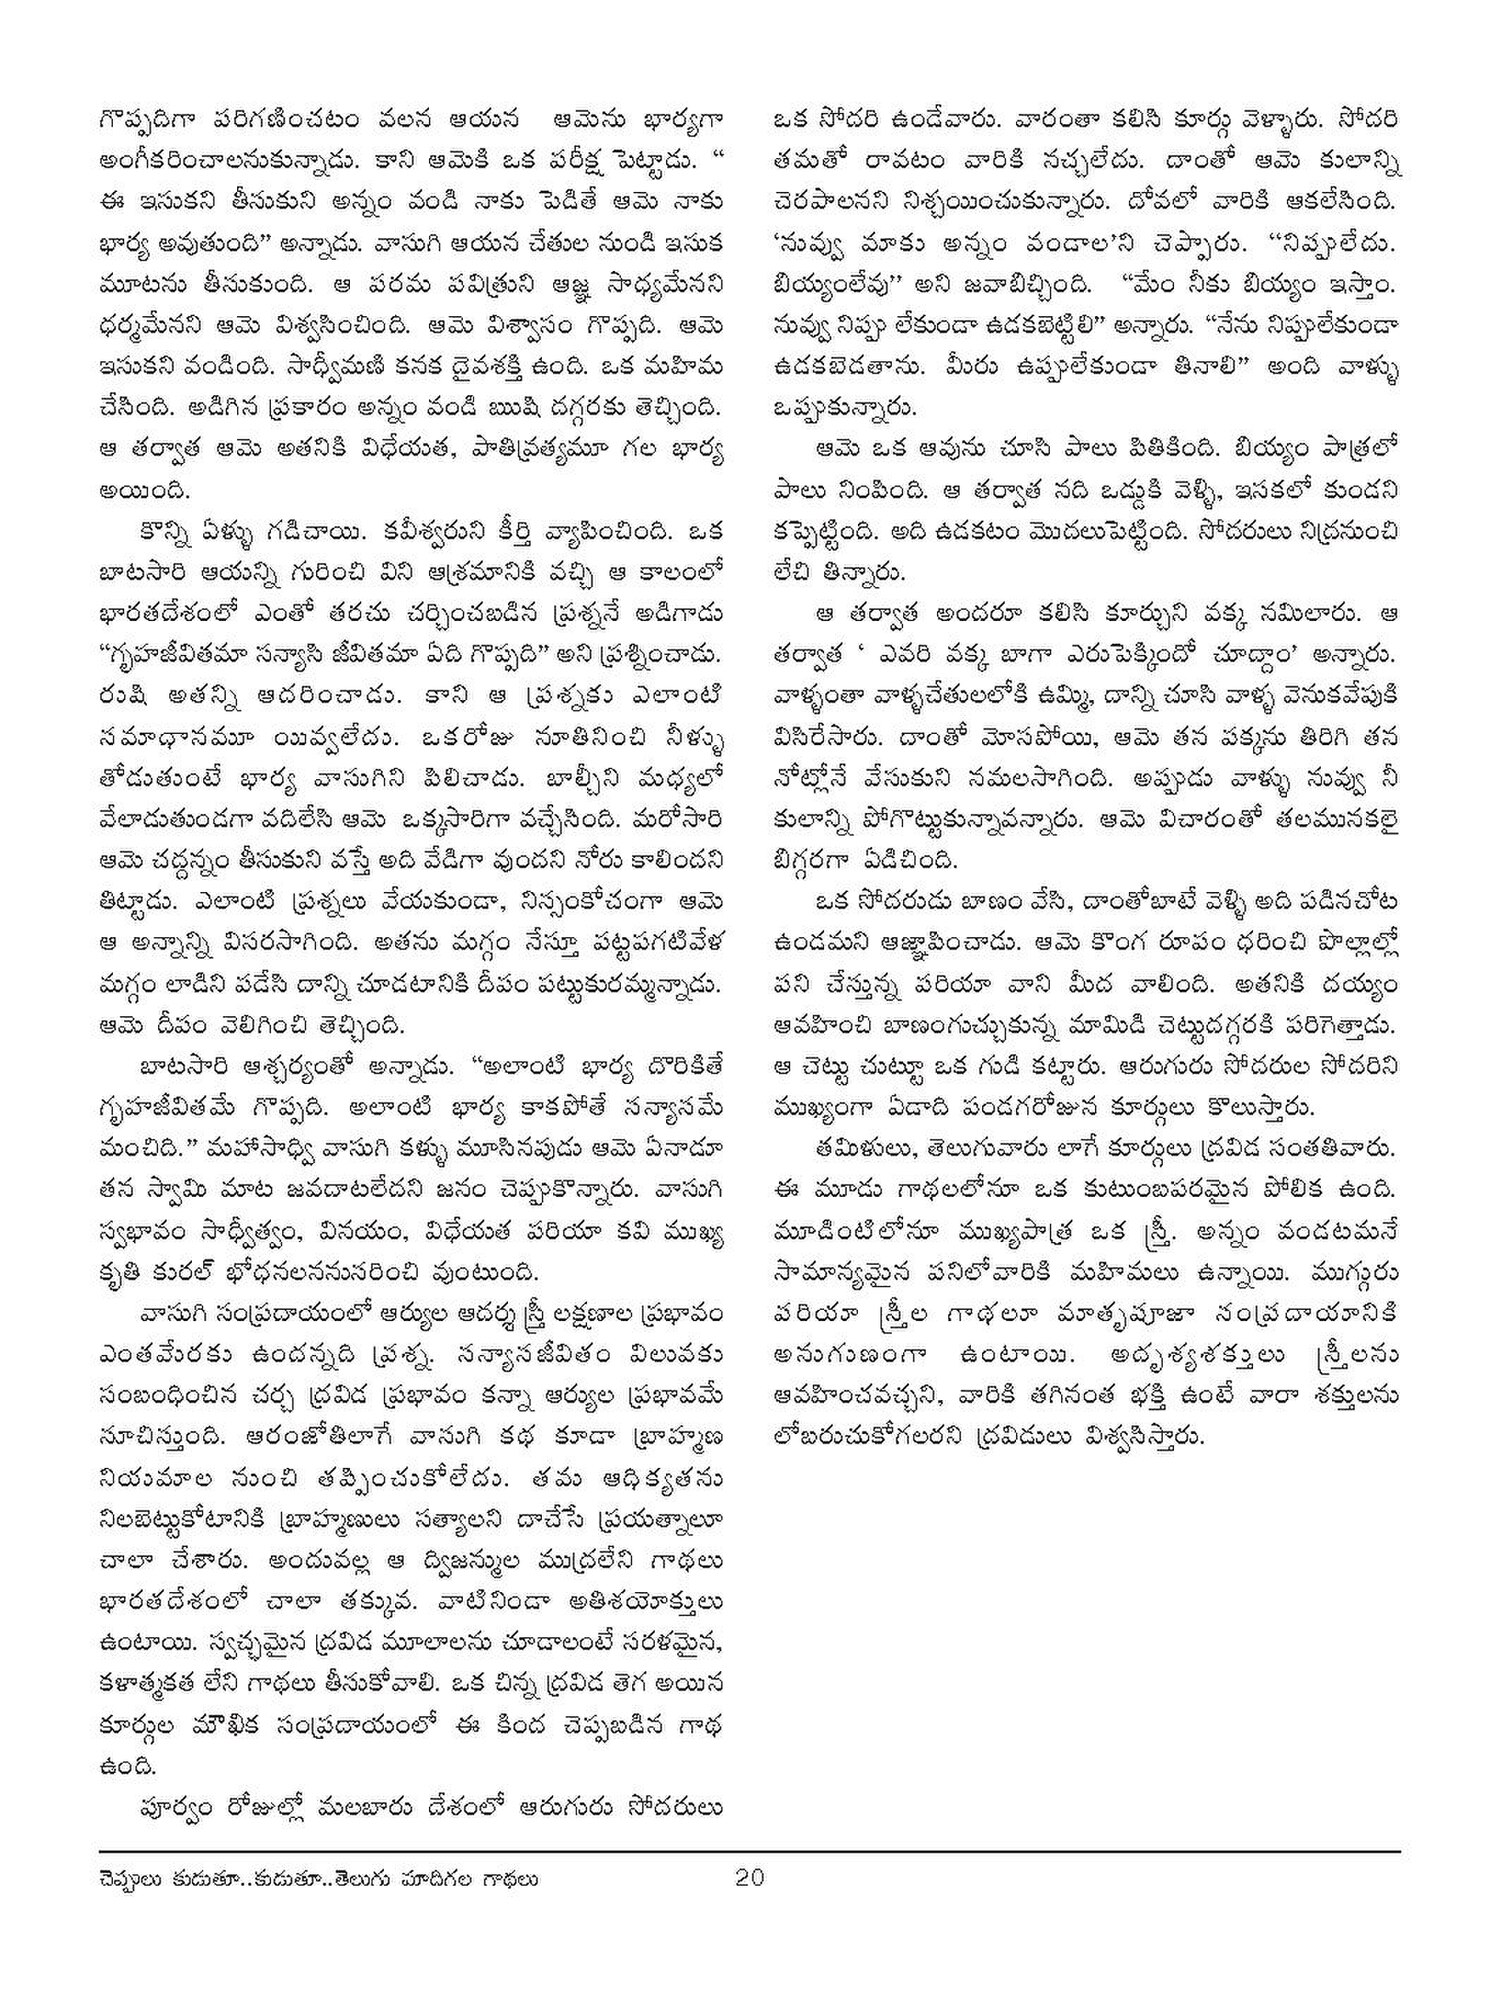గొప్పదిగా పరిగణించటం వలన ఆయన ఆమెను భార్యగా
అంగీకరించాలనుకున్నాడు. కాని ఆమెకి ఒక పరీక్ష పెట్టాడు.
ఈ ఇసుకని తీసుకుని అన్నం వండి నాకు పెడితే ఆమె నాకు
భార్య అవుతుంది" అన్నాడు. వాసుగి ఆయన చేతుల నుండి ఇసుక
మూటను తీసుకుంది. ఆ పరమ పవిత్రుని ఆజ్ఞ సాధ్యమేనని
ధర్మమేనని ఆమె విశ్వసించింది. ఆమె విశ్వాసం గొప్పది. ఆమె
ఇసుకని వండింది. సాధ్వీమణి కనక దైవశక్తి ఉంది. ఒక మహిమ
చేసింది. అడిగిన ప్రకారం అన్నం వండి ఋషి దగ్గరకు తెచ్చింది.
ఆ తర్వాత ఆమె అతనికి విధేయత, పాతివ్రత్యమూ గల భార్య
అయింది.

కొన్ని ఏళ్ళు గడిచాయి. కవీశ్వరుని కీర్తి వ్యాపించింది. ఒక
బాటసారి ఆయన్ని గురించి విని ఆశ్రమానికి వచ్చి ఆ కాలంలో
భారతదేశంలో ఎంతో తరచు చర్చించబడిన ప్రశ్ననే అడిగాడు
"గృహజీవితమా సన్యాసి జీవితమా ఏది గొప్పది" అని ప్రశ్నించాడు.
రుషి అతన్ని ఆదరించాడు. కాని ఆ ప్రశ్నకు ఎలాంటి
సమాధానమూ యివ్వలేదు. ఒకరోజు నూతినించి నీళ్ళు
తోడుతుంటే భార్య వాసుగిని పిలిచాడు. బాల్చీని మధ్యలో
వేలాడుతుండగా వదిలేసి ఆమె ఒక్కసారిగా వచ్చేసింది. మరోసారి
ఆమె చద్దన్నం తీసుకుని వస్తే అది వేడిగా వుందని నోరు కాలిందని
తిట్టాడు. ఎలాంటి ప్రశ్నలు వేయకుండా, నిస్సంకోచంగా ఆమె
ఆ అన్నాన్ని విసరసాగింది. అతను మగ్గం నేస్తూ పట్టపగటివేళ
మగ్గం లాడిని పడేసి దాన్ని చూడటానికి దీపం పట్టుకురమ్మన్నాడు.
ఆమె దీపం వెలిగించి తెచ్చింది.

బాటసారి ఆశ్చర్యంతో అన్నాడు. "అలాంటి భార్య దొరికితే
గృహజీవితమే గొప్పది. అలాంటి భార్య కాకపోతే సన్యాసమే
మంచిది.” మహాసాధ్వి వాసుగి కళ్ళు మూసినపుడు ఆమె ఏనాడూ
తన స్వామి మాట జవదాటలేదని జనం చెప్పుకొన్నారు. వాసుగి
స్వభావం సాధ్వీత్వం, వినయం, విధేయత పరియా కవి ముఖ్య
కృతి కురల్ భోధనలననుసరించి వుంటుంది.

వాసుగి సంప్రదాయంలో ఆర్యుల ఆదర్శ స్త్రీ లక్షణాల ప్రభావం
ఎంతమేరకు ఉందన్నది ప్రశ్న. సన్యాస జీవితం విలువకు
సంబంధించిన చర్చ ద్రవిడ ప్రభావం కన్నా ఆర్యుల ప్రభావమే
సూచిస్తుంది. ఆరంజోతిలాగే వాసుగి కథ కూడా బ్రాహ్మణ
నియమాల నుంచి తప్పించుకోలేదు. తమ ఆధిక్యతను
నిలబెట్టుకోటానికి బ్రాహ్మణులు సత్యాలని దాచేసే ప్రయత్నాలూ
చాలా చేశారు. అందువల్ల ఆ ద్విజన్ముల ముద్రలేని గాథలు
భారతదేశంలో చాలా తక్కువ. వాటినిండా అతిశయోక్తులు
ఉంటాయి. స్వచ్ఛమైన ద్రవిడ మూలాలను చూడాలంటే సరళమైన,
కళాత్మకత లేని గాథలు తీసుకోవాలి. ఒక చిన్న ద్రవిడ తెగ అయిన
కూర్గుల మౌఖిక సంప్రదాయంలో ఈ కింద చెప్పబడిన గాథ
ఉంది.

పూర్వం రోజుల్లో మలబారు దేశంలో ఆరుగురు సోదరులు
ఒక సోదరి ఉండేవారు. వారంతా కలిసి కూర్గు వెళ్ళారు. సోదరి
తమతో రావటం వారికి నచ్చలేదు. దాంతో ఆమె కులాన్ని
చెరపాలనని నిశ్చయించుకున్నారు. దోవలో వారికి ఆకలేసింది.
'నువ్వు మాకు అన్నం వండాల'ని చెప్పారు. "నిప్పులేదు.
బియ్యంలేవు" అని జవాబిచ్చింది. "మేం నీకు బియ్యం ఇస్తాం.
నువ్వు నిప్పు లేకుండా ఉడకబెట్టిలి" అన్నారు. “నేను నిప్పులేకుండా
ఉడకబెడతాను. మీరు ఉప్పులేకుండా తినాలి" అంది వాళ్ళు
ఒప్పుకున్నారు.

ఆమె ఒక ఆవును చూసి పాలు పితికింది. బియ్యం పాత్రలో
పాలు నింపింది. ఆ తర్వాత నది ఒడ్డుకి వెళ్ళి, ఇసకలో కుండని
కప్పెట్టింది. అది ఉడకటం మొదలుపెట్టింది. సోదరులు నిద్రనుంచి
లేచి తిన్నారు.

ఆ తర్వాత అందరూ కలిసి కూర్చుని వక్క నమిలారు. ఆ
తర్వాత ' ఎవరి వక్క బాగా ఎరుపెక్కిందో చూద్దాం' అన్నారు.
వాళ్ళంతా వాళ్ళచేతులలోకి ఉమ్మి, దాన్ని చూసి వాళ్ళ వెనుకవేపుకి
విసిరేసారు. దాంతో మోసపోయి, ఆమె తన పక్కను తిరిగి తన
నోట్లోనే వేసుకుని నమలసాగింది. అప్పుడు వాళ్ళు నువ్వు నీ
కులాన్ని పోగొట్టుకున్నావన్నారు. ఆమె విచారంతో తలమునకలై
బిగ్గరగా ఏడిచింది.

ఒక సోదరుడు బాణం వేసి, దాంతోబాటే వెళ్ళి అది పడినచోట
ఉండమని ఆజ్ఞాపించాడు. ఆమె కొంగ రూపం ధరించి పొల్లాల్లో
పని చేస్తున్న పరియా వాని మీద వాలింది. అతనికి దయ్యం
ఆవహించి బాణంగుచ్చుకున్న మామిడి చెట్టుదగ్గరకి పరిగెత్తాడు.
ఆ చెట్టు చుట్టూ ఒక గుడి కట్టారు. ఆరుగురు సోదరుల సోదరిని
ముఖ్యంగా ఏడాది పండగరోజున కూర్గులు కొలుస్తారు.

తమిళులు, తెలుగువారు లాగే కూర్గులు ద్రావిడ సంతతివారు.
ఈ మూడు గాథలలోనూ ఒక కుటుంబపరమైన పోలిక ఉంది.
మూడింటిలోనూ ముఖ్యపాత్ర ఒక స్త్రీ. అన్నం వండటమనే
సామాన్యమైన పనిలోవారికి మహిమలు ఉన్నాయి. ముగ్గురు
పరియా స్త్రీల గాథలూ మాతృపూజా సంప్రదాయానికి
అనుగుణంగా ఉంటాయి. అదృశ్యశక్తులు స్త్రీలను
ఆవహించవచ్చని, వారికి తగినంత భక్తి ఉంటే వారా శక్తులను
లోబరుచుకోగలరని ద్రవిడులు విశ్వసిస్తారు.